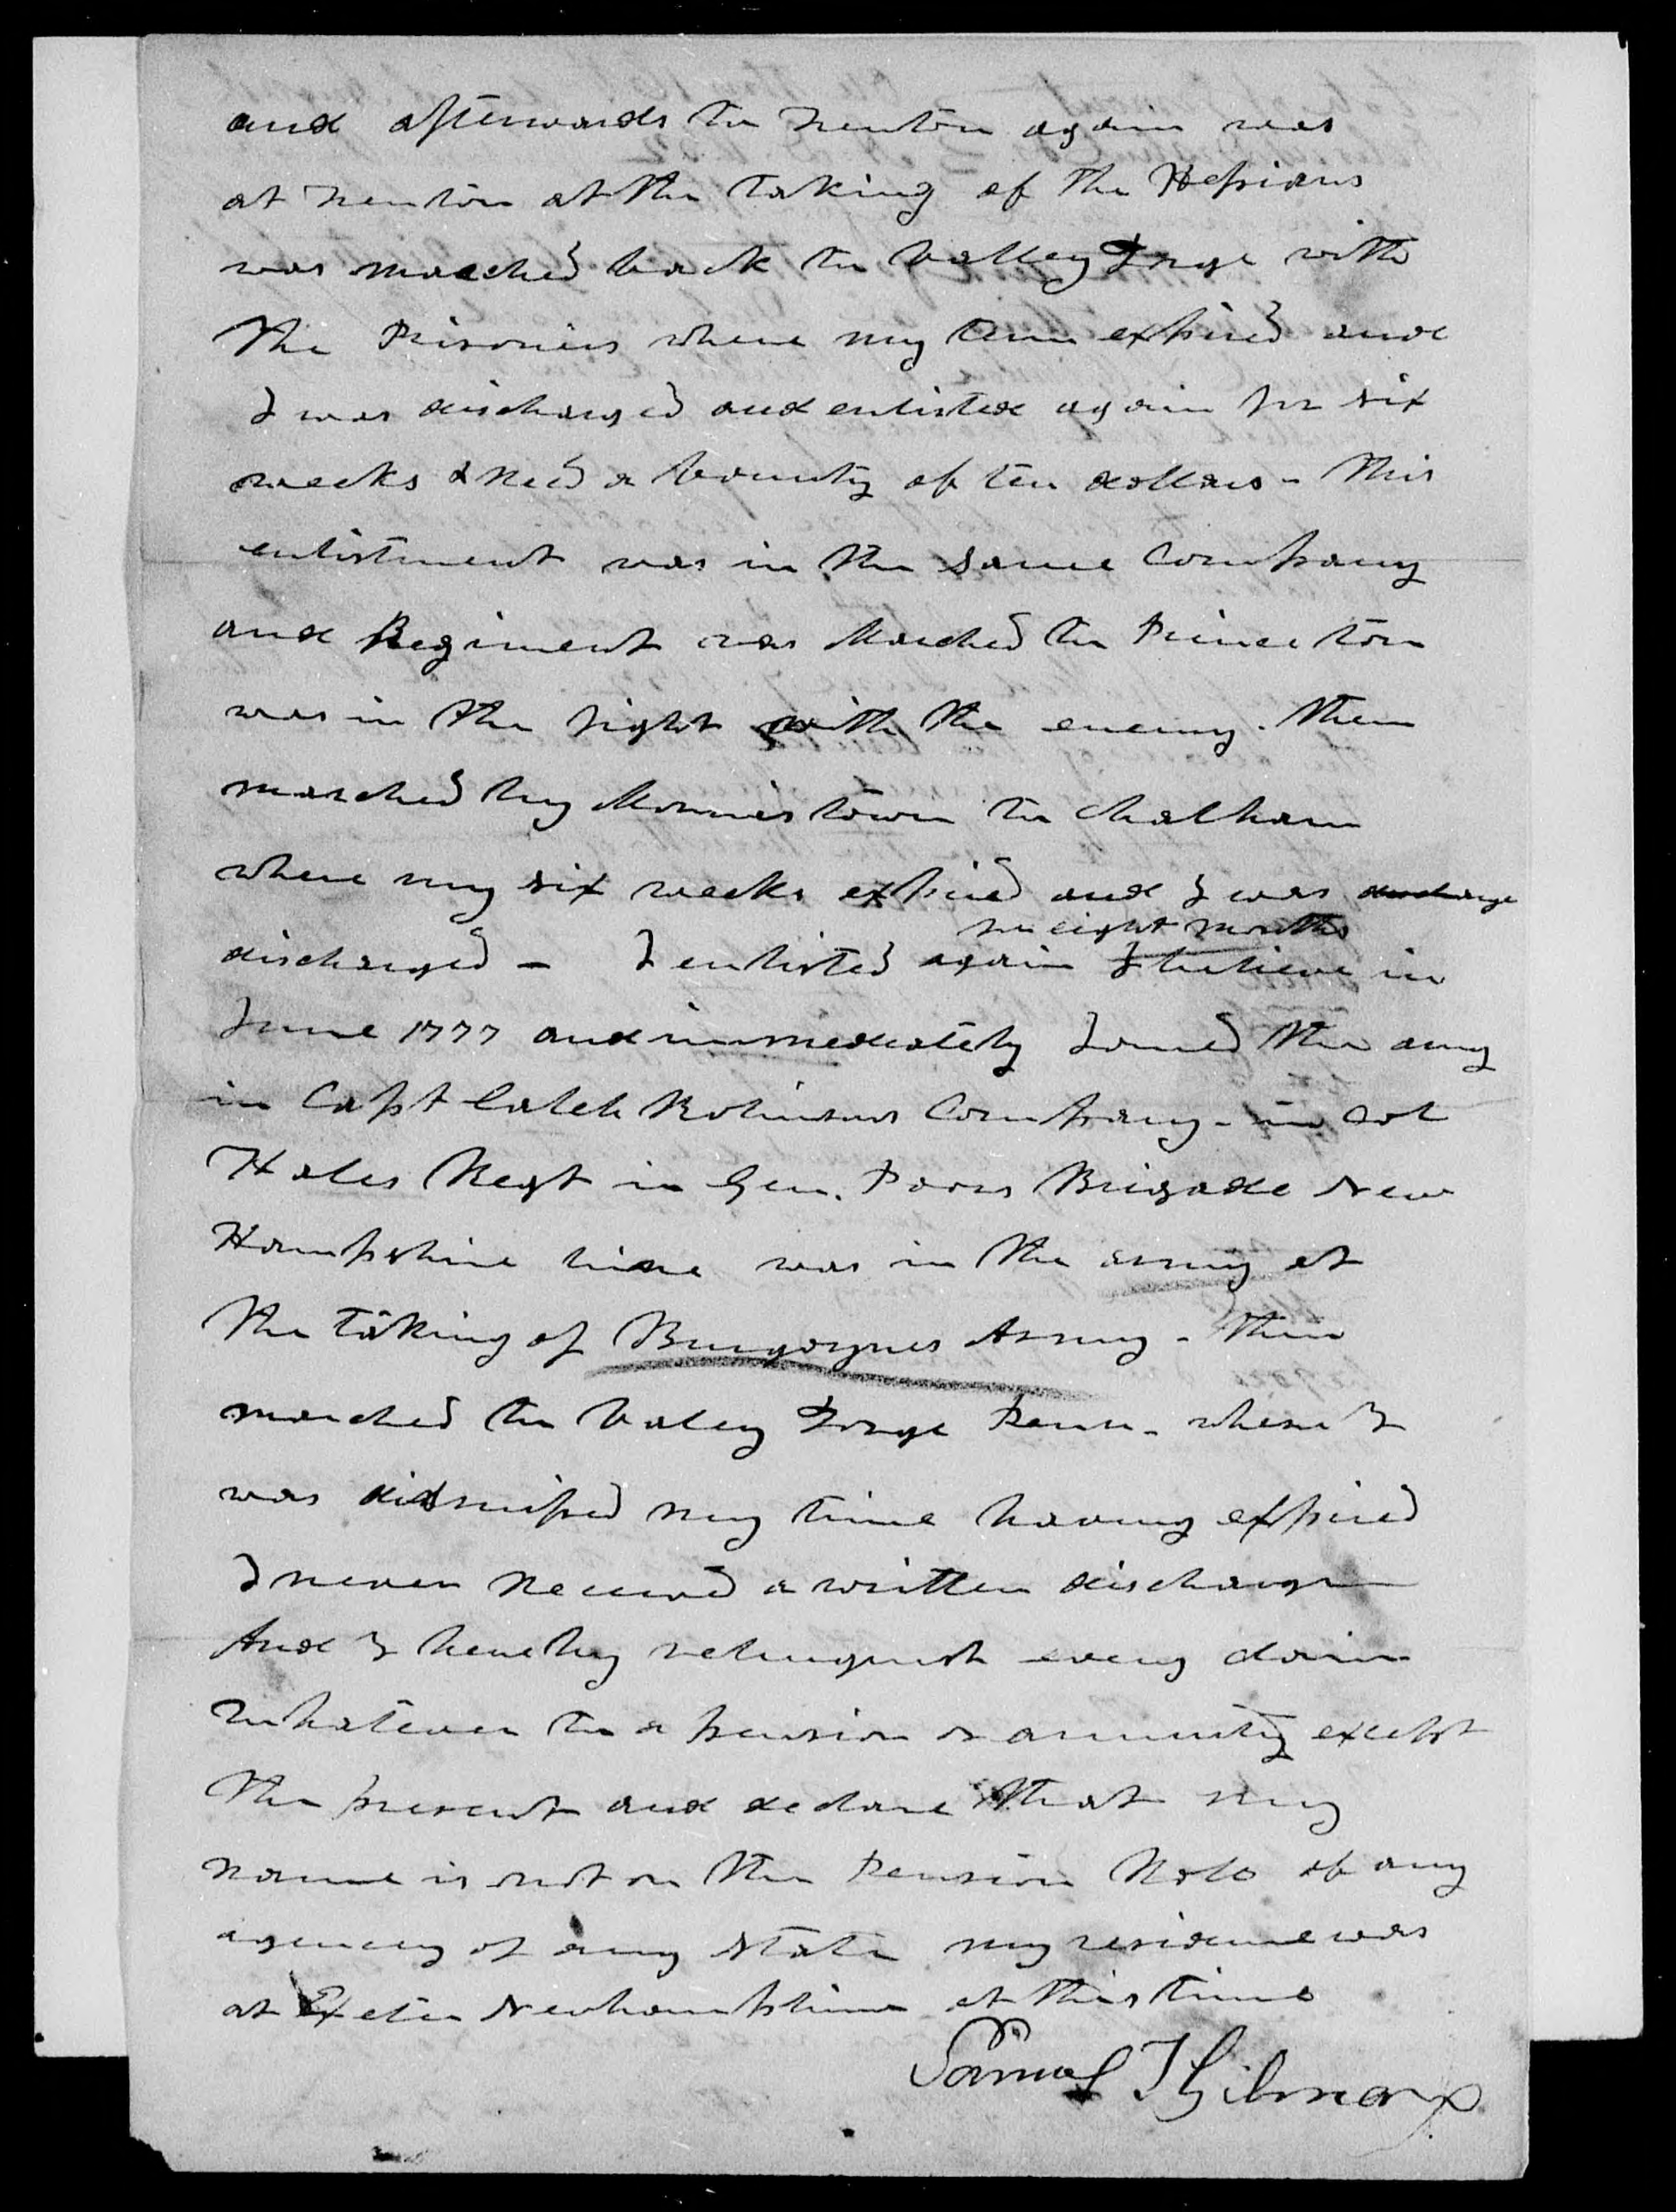[page 2]

and afterwards the [illeg] again was at [illeg] at the taking of the Hep[illeg] was marched back to Valley Forge with the prisoners where my [illeg] expired and I was discharged and enlisted again for six week & [illeg] or bounty of ten dollars - this enlistment was in the same company and Regiment was [illeg] the [illeg] was in the fight with the enemy. then marched [5 illeg words] where my six weeks expired and I was discharged - I enlisted again for eight months I believe in June 1777 and immediately [illeg] [illeg] away in Capt Caleb Robinsons company and Hales Regt in Gen Poors Brigade New Hampshire line was in the army at the taking of Burgoynes Army. Then marched [illeg] Valey Forge [illeg] where I was discharged my time having expired I never received a written discharge And I hereby relinquish every [illeg] whatever to a pension [illeg] except the present and declare that my name is not written in the Pension Roles or agency of any State my residence was at Exeter New Hampshire at this time
Samuel T Gilman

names: Samuel T Gilman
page: 11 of 61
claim: widow's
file: W. 19500, Samuel Thing Gilman, Continental N.H.